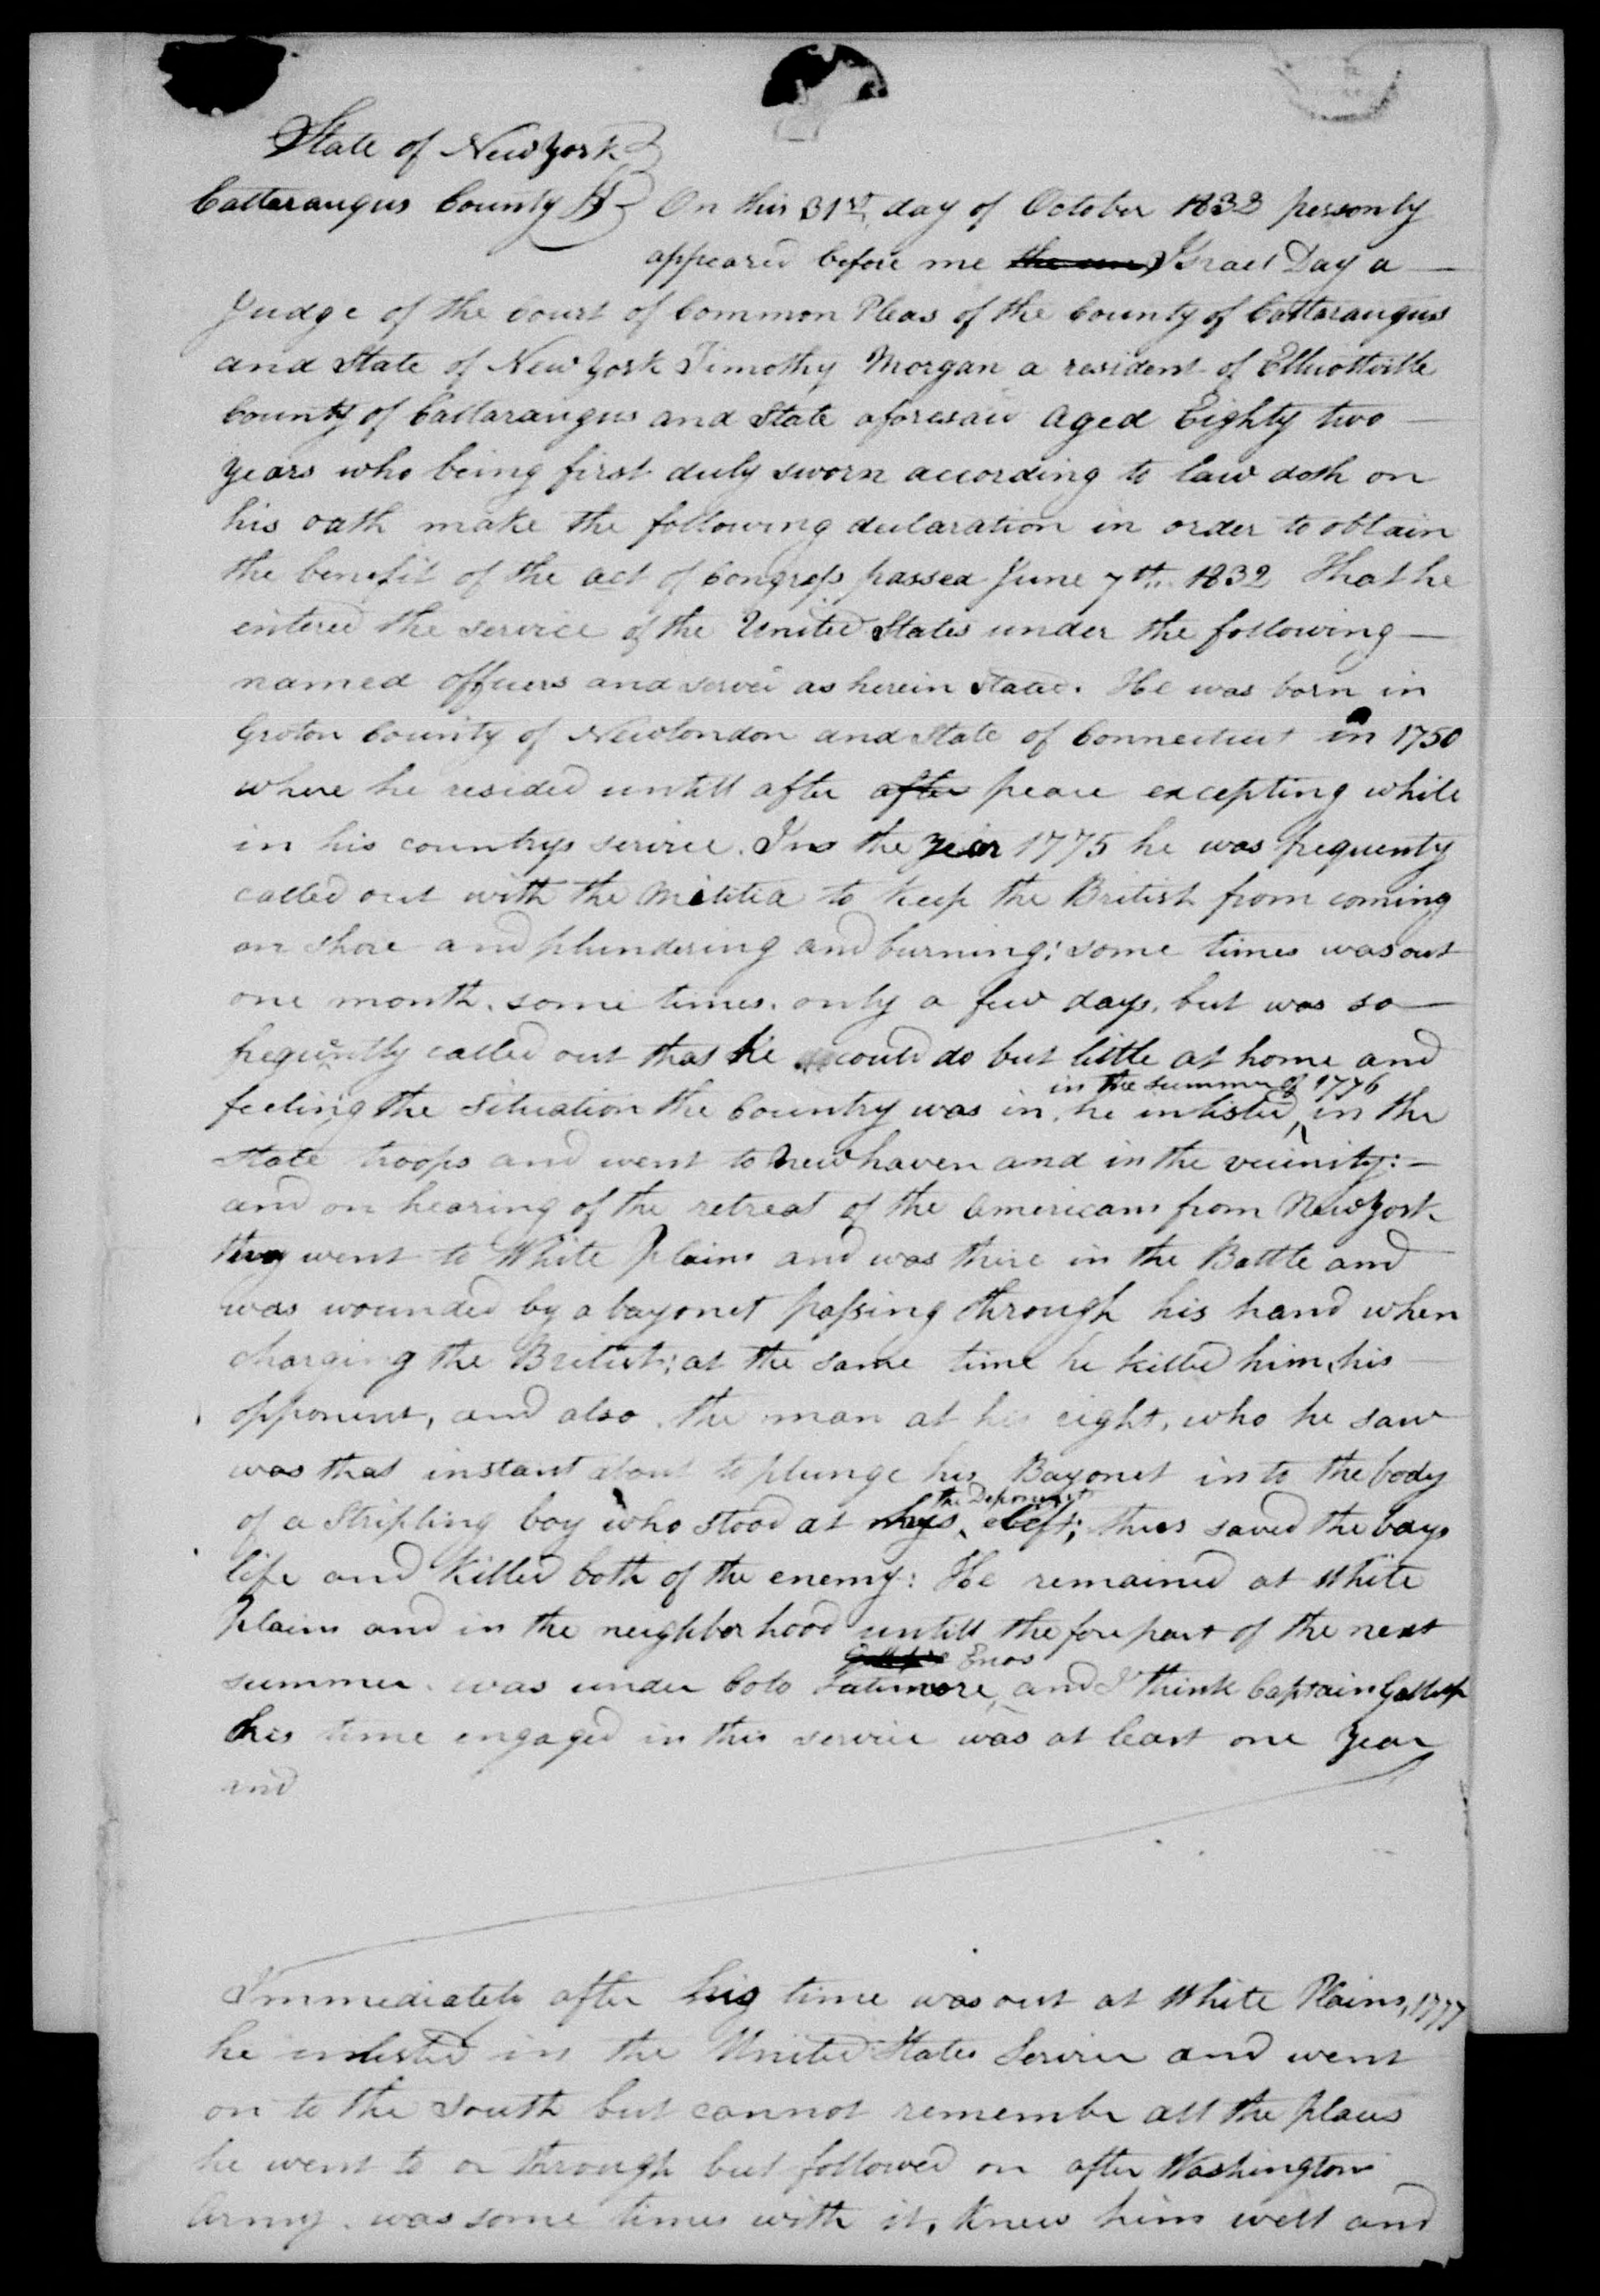State of New York
Cattaraugus County ss ⎬ On this 31st day of October 1833 personally
appeared before me Israel Day a
Judge of the Court of Common Pleas of the County of Cattaraugus
and State of New York Timothy Morgan a resident of Ellicottville
County of Cattaraugus and State aforesaid aged Eighty two
years who being first duly sworn according to law doth on
his oath make the following declaration in order to obtain
the benefit of the act of Congress passed June 7th 1832 That he
entered the service of the United States under the following
named officers and served as herein stated. He was born in
Groton County of Newlondon and State of Connecticut in 1750
where he resided untill after peace excepting while
in his country service. In the year 1775 he was frequently
called out with the militia to keep the British from coming
on shore and plundering and burning; some time was out
one month, some times, only a few days, but was so
frequently called out that he could do but little at home and
feeling the situation the country was in he inlisted in the Summer of 1776 in the
State troops and went to Newhaven and in the vicinity:
and on hearing of the retreat of the Americans from New York
they went to White Plains and was there in the Battle and
was wounded by a bayonet passing through his hand when
charging the British at the same time he killed him, his
opponent, and also the man at his eight, who he saw
was that instant about to plunge his Bayonet in to the body
of a stripling boy who stood at my, the deponent's left this saved the boys
life and killed both of the enemy. He remained at White
Plains and in the neighborhood untill the forepart of the next
summer was under Colo Latimore Enos and I think Captain Gill
his time engaged in this service was at least one year
and
Immediately after his time was out at White Plains 1777
he enlisted in the United States Service and went
on to the south but cannot remember all the places
he went to or through but followed on after Washington
Army was some time with it, knew him well and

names: [BLANK] Latmoore; Timothy Morgan; [BLANK] Gallup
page: 2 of 19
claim: rejected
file: R 7390, for Timothy Morgan, Connecticut